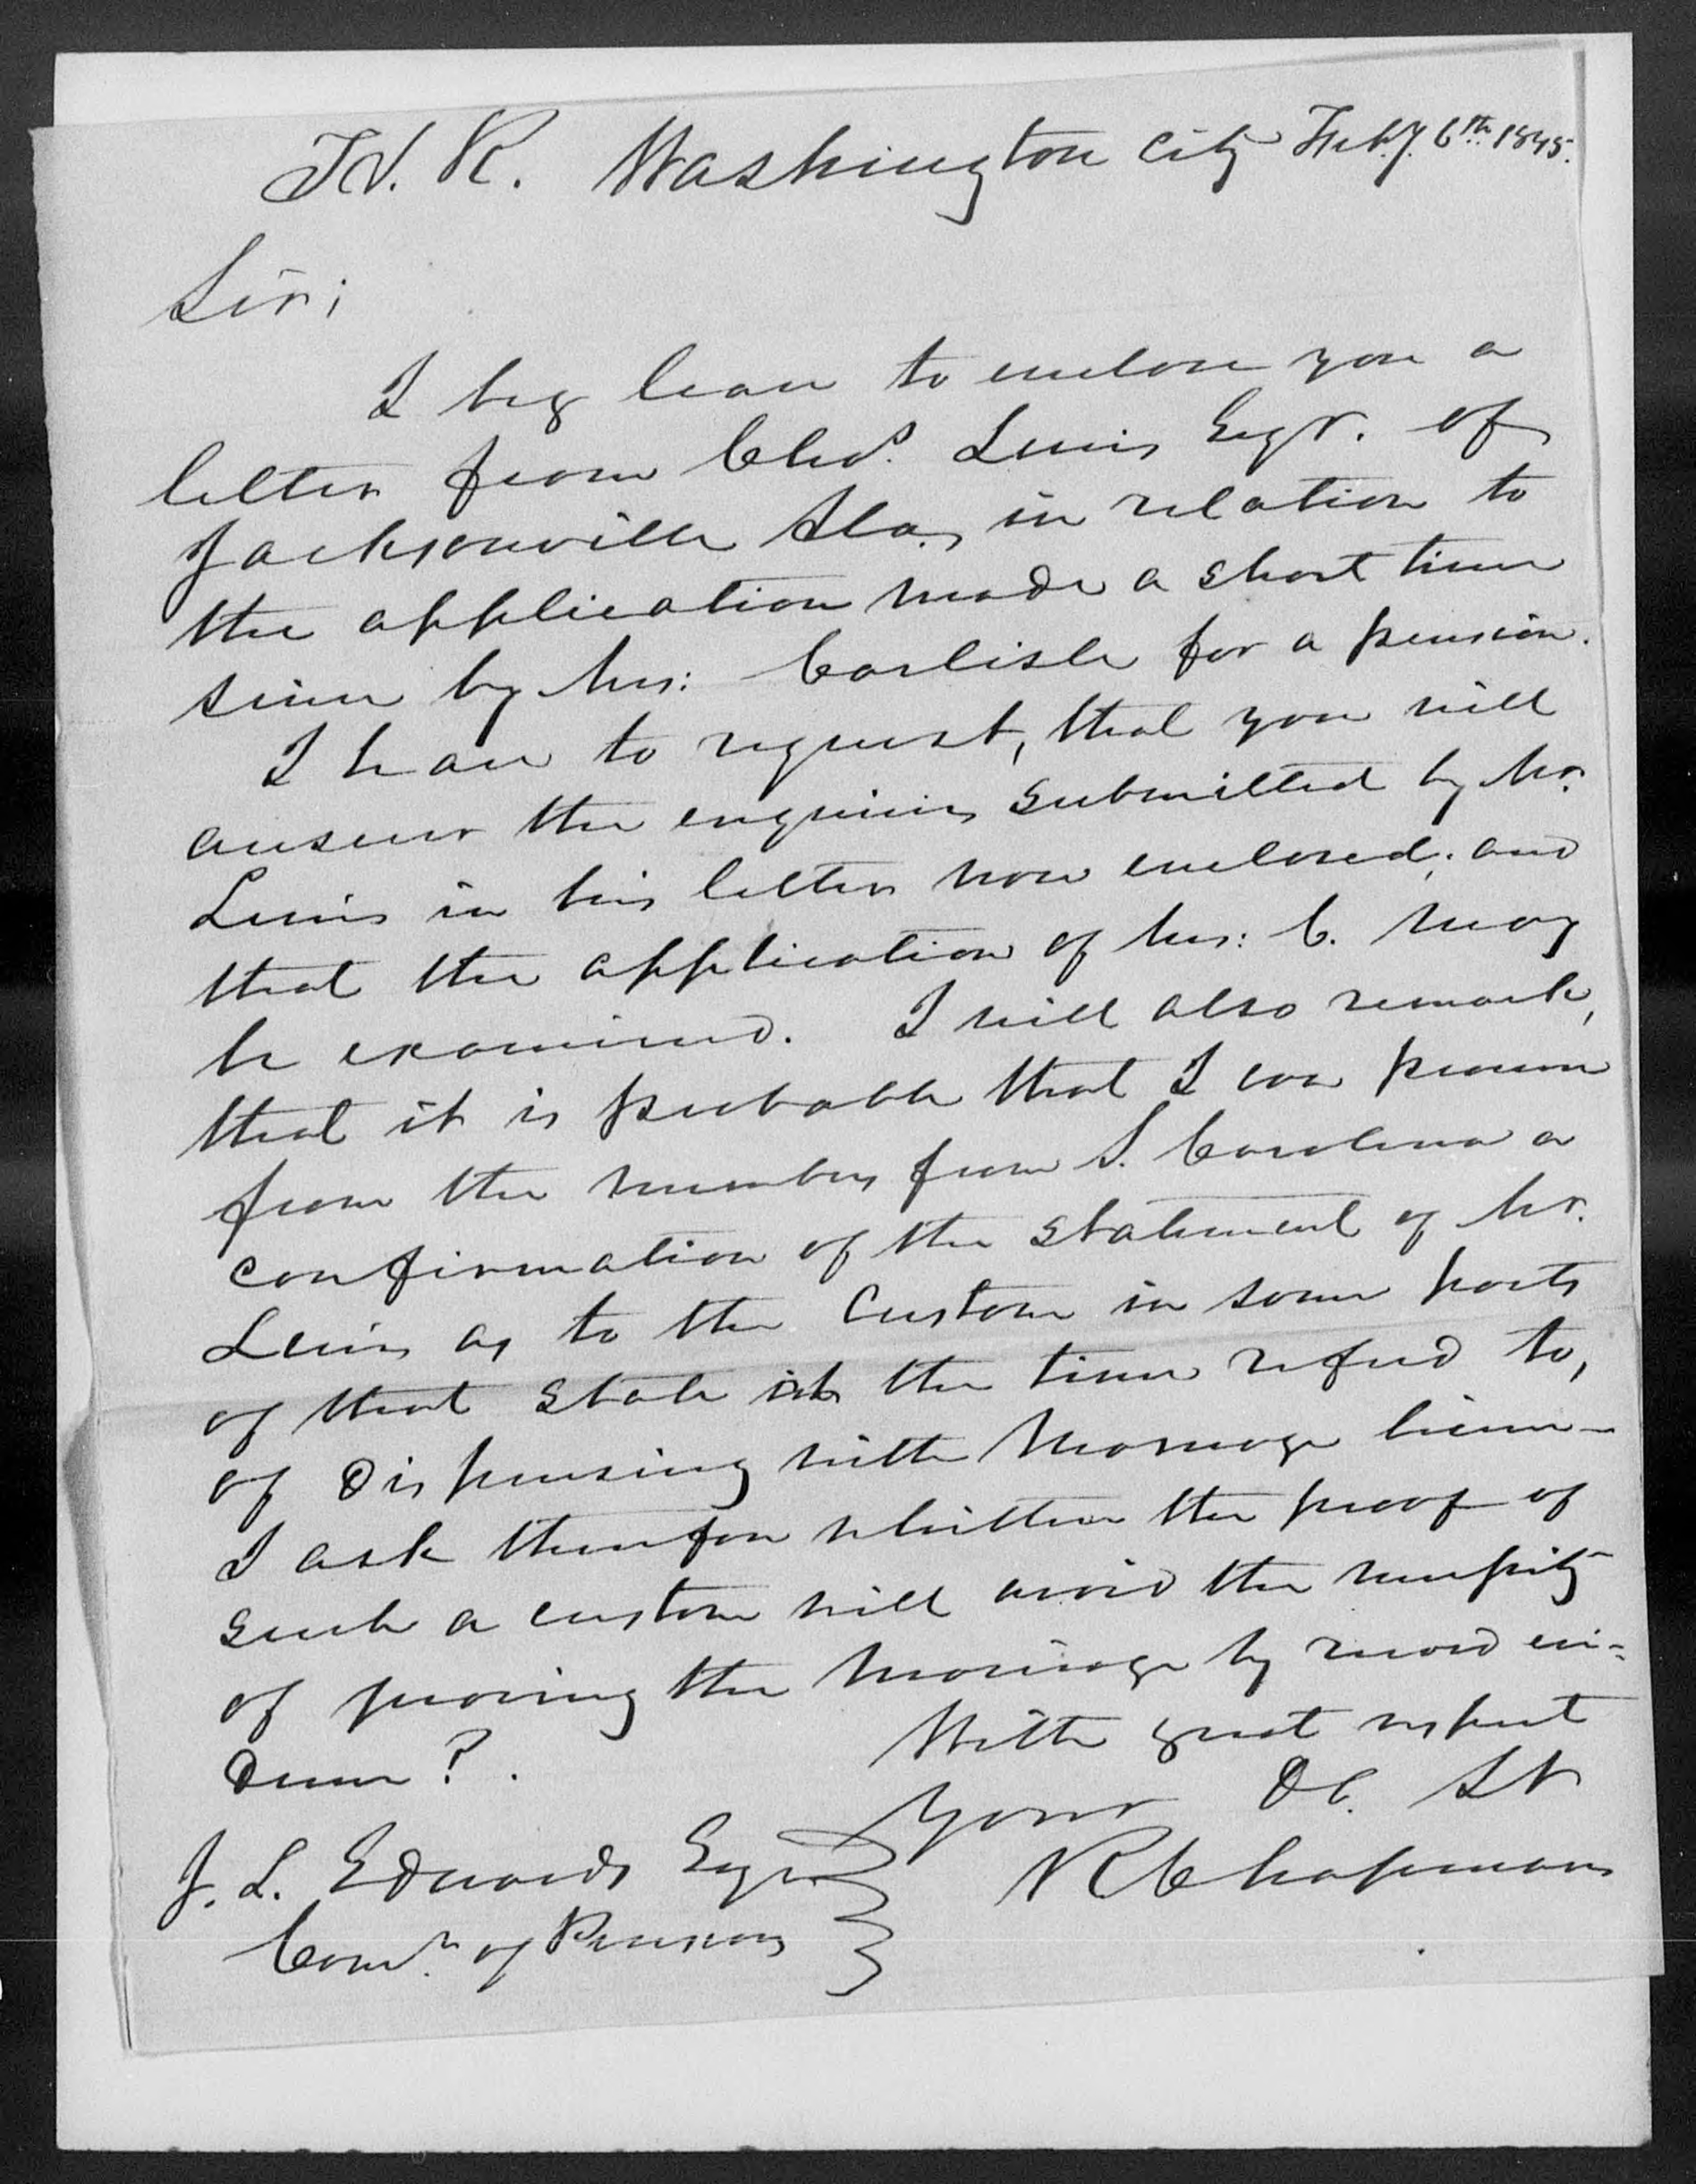H. R. Washington City Feby 6th 1843
Sir
I beg leave to enclose you a letter from Chas Lewis Eqr of Jacksonville Ala. in relation to the application made a short time since by Mrs. Carlisle for a pension.

I have to request, that you will answer the enquiries submitted by him in his letter now enclosed, and that the application of his May he examined. I will also remark that it is probable that I can prove
from the numbers from S. Carolina a confirmation of the statement of Mr. Lewis as to the Custom in some parts of that state at the time  referred to if Dispensing with Marriage licenses.

I ask therefore whither the proof of such a custom will avoid the necessity of proving the marriage by record in sum?

with great respect
Your obt svnt
R Chapman

J.L. Edwards Esq.
Comm of Pension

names: Carlisle, Lewis, J L Edwards, Chas Lewis, R Chapman, Lewis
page: 85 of 91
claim: widow's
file: W. 10576, Francis Carlisle, S.C.